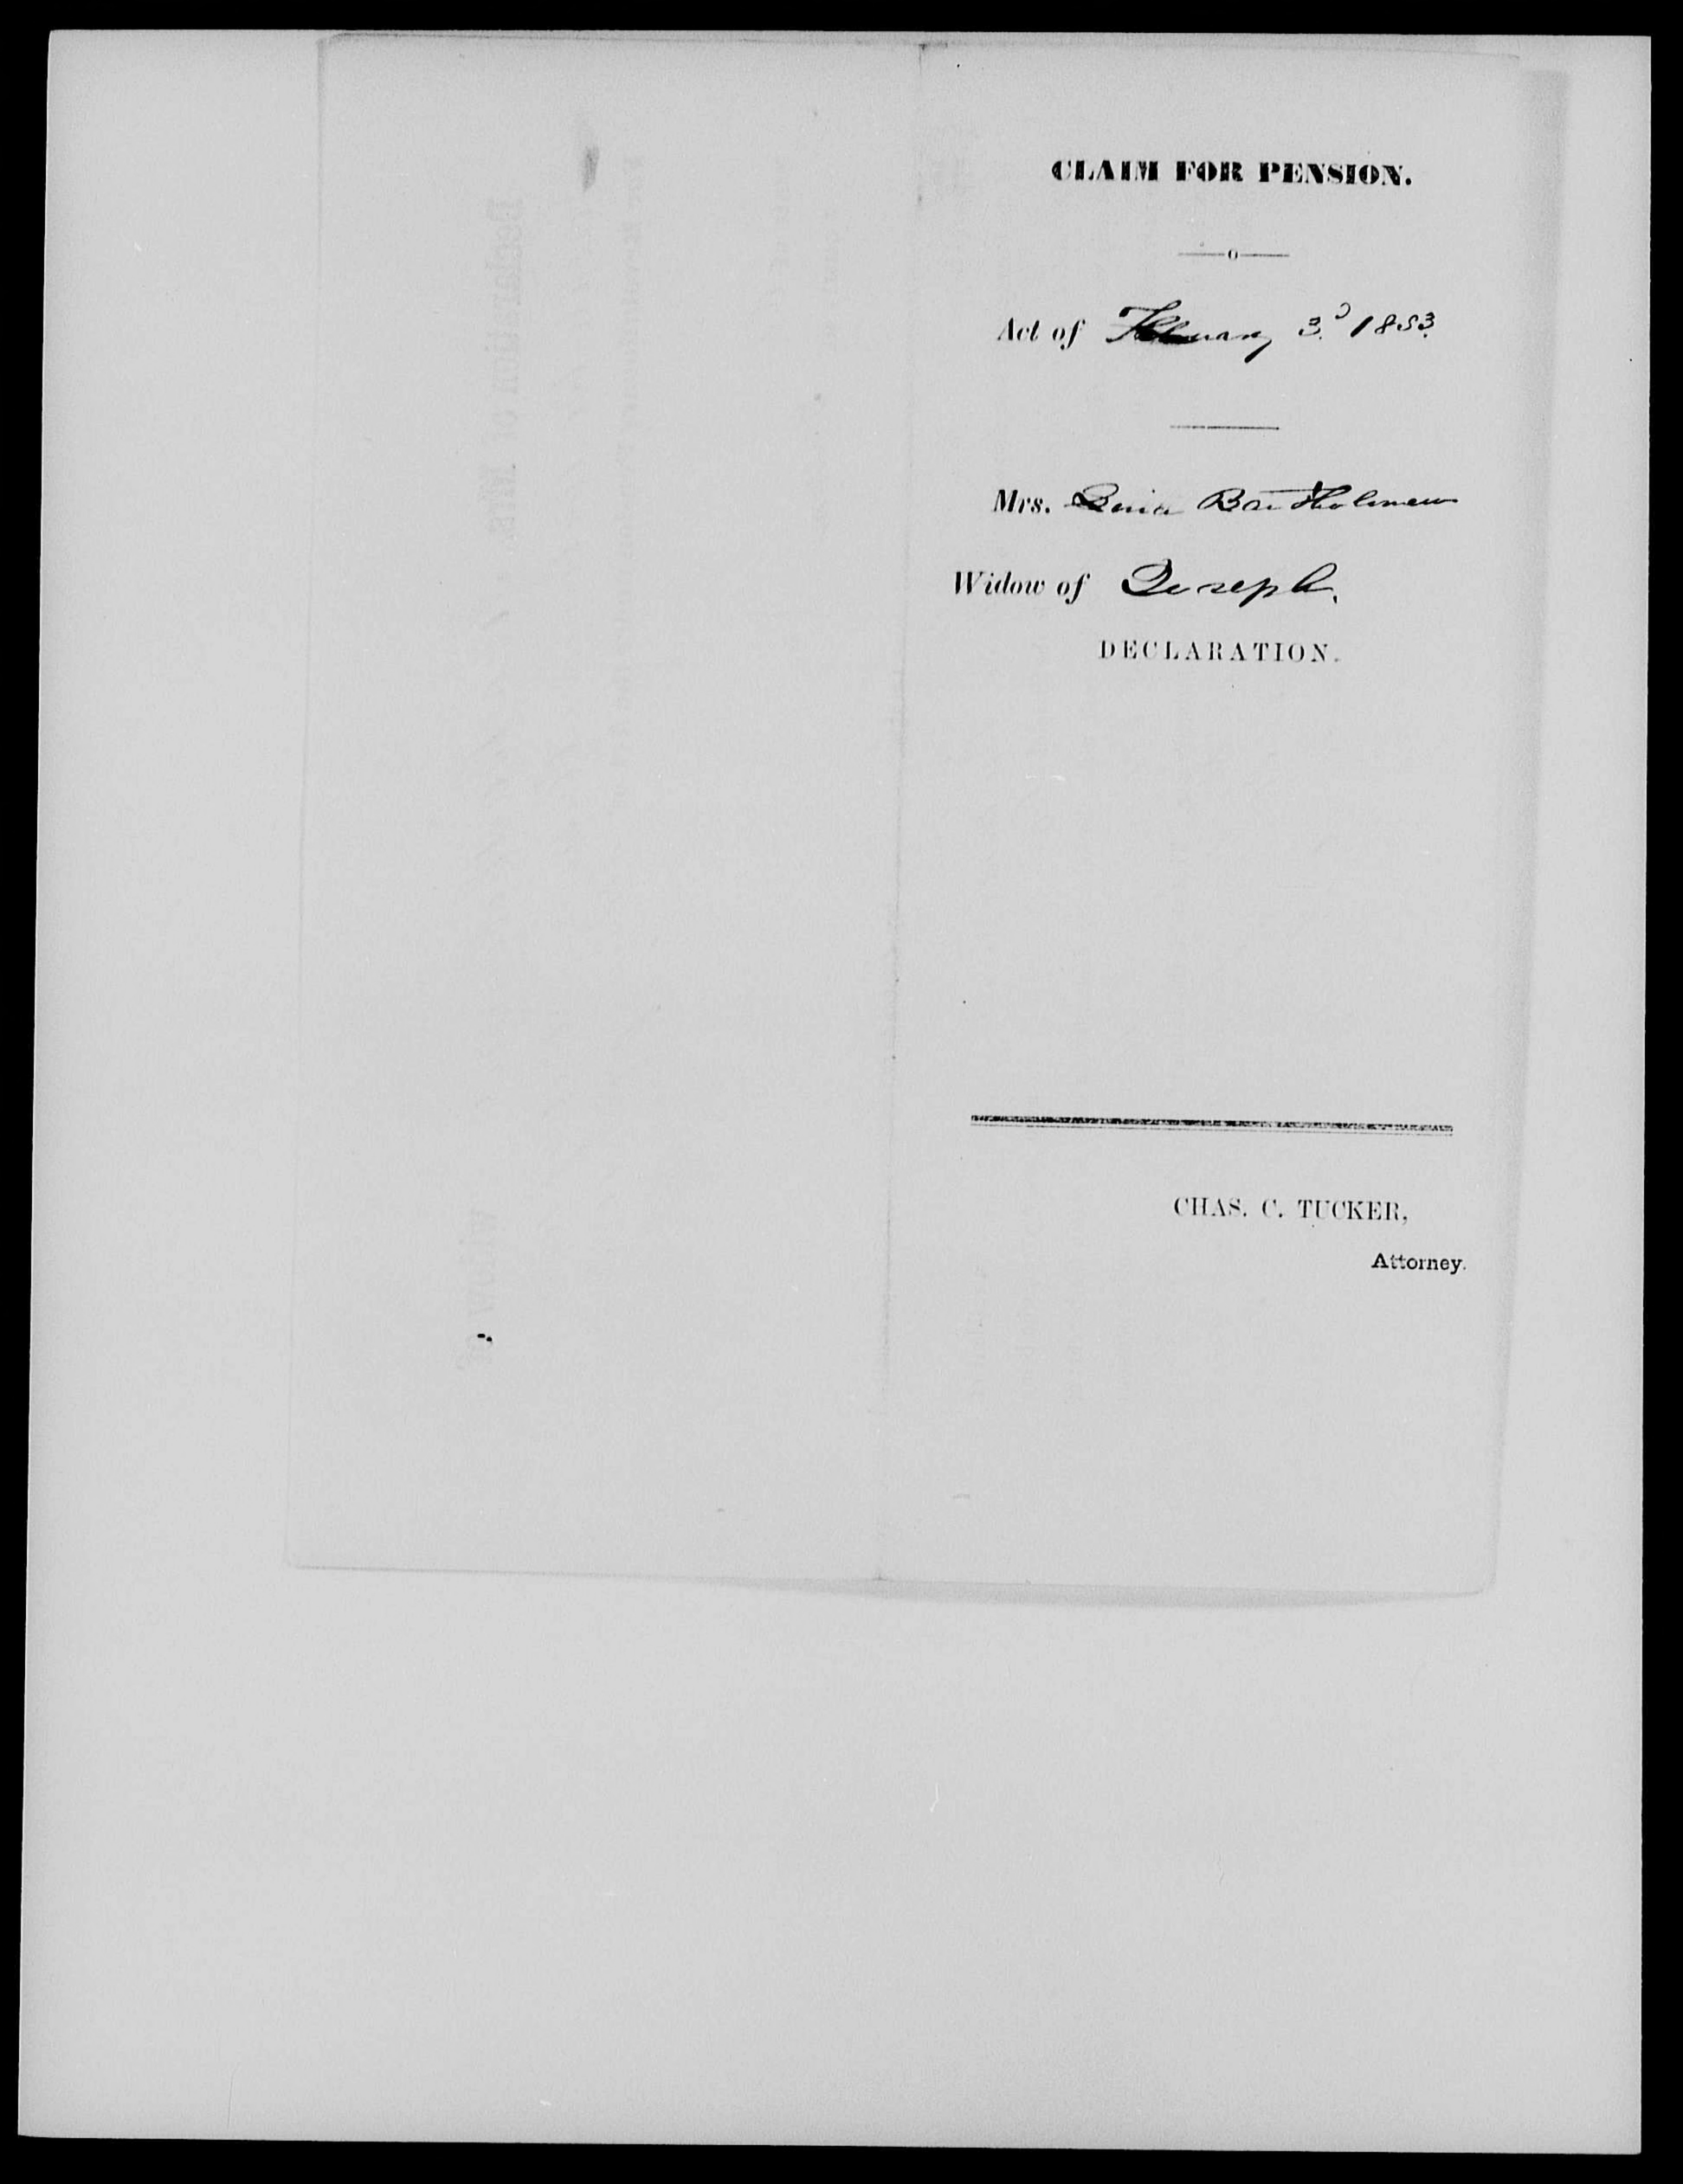CLAIM FOR PENSION.
____________

Act of February 3d 1853
Mrs. Sina Bartholomew
Widow of Joseph
DECLARATION.
____________

CHAS C. TUCKER.
Attorney.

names: Sina Bartholomew, Joseph Bartholomew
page: 12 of 76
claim: widow's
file: W. 9345, Joseph Bartholomew, Conn.